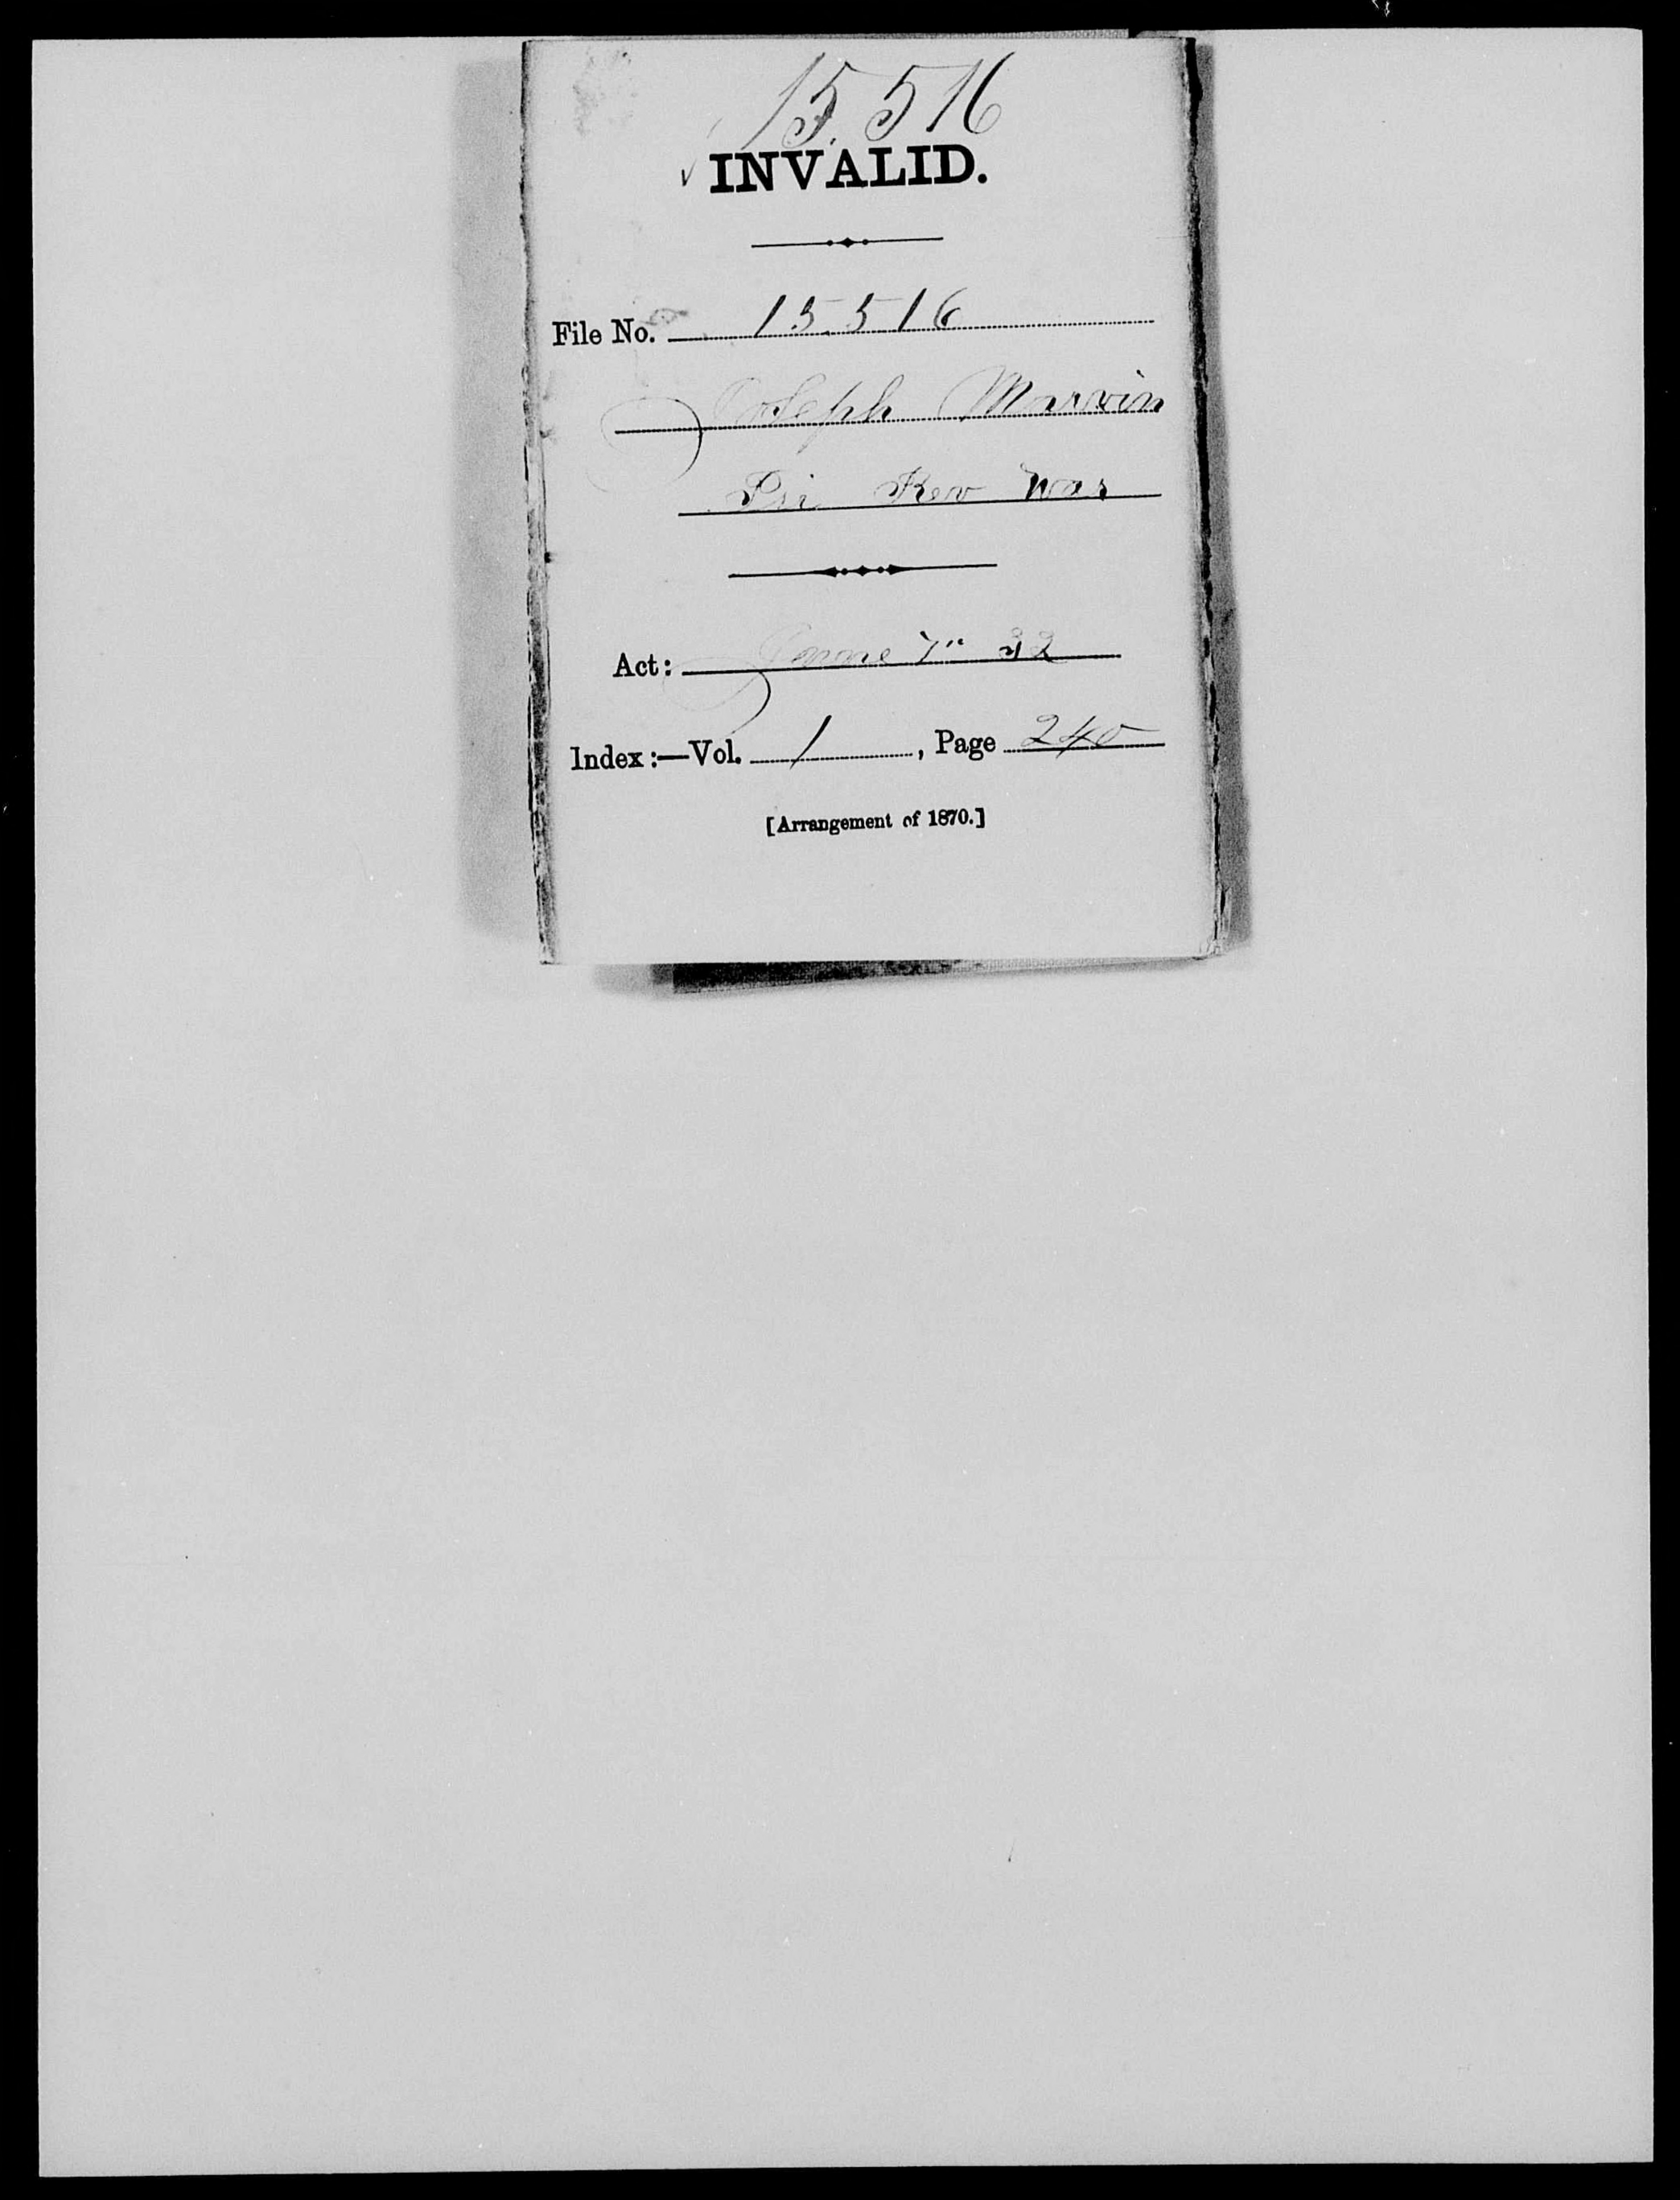15.516
√ INVALID.

File No. `5516
Joseph Marvin
Pri Rev War

Act:  June 7" 32
Index:-Vol. 1, Page 240
[Arrangement of 1870.]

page: 20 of 20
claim: survivor's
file: S. 15,516, for Joseph Marvin, Connecticut